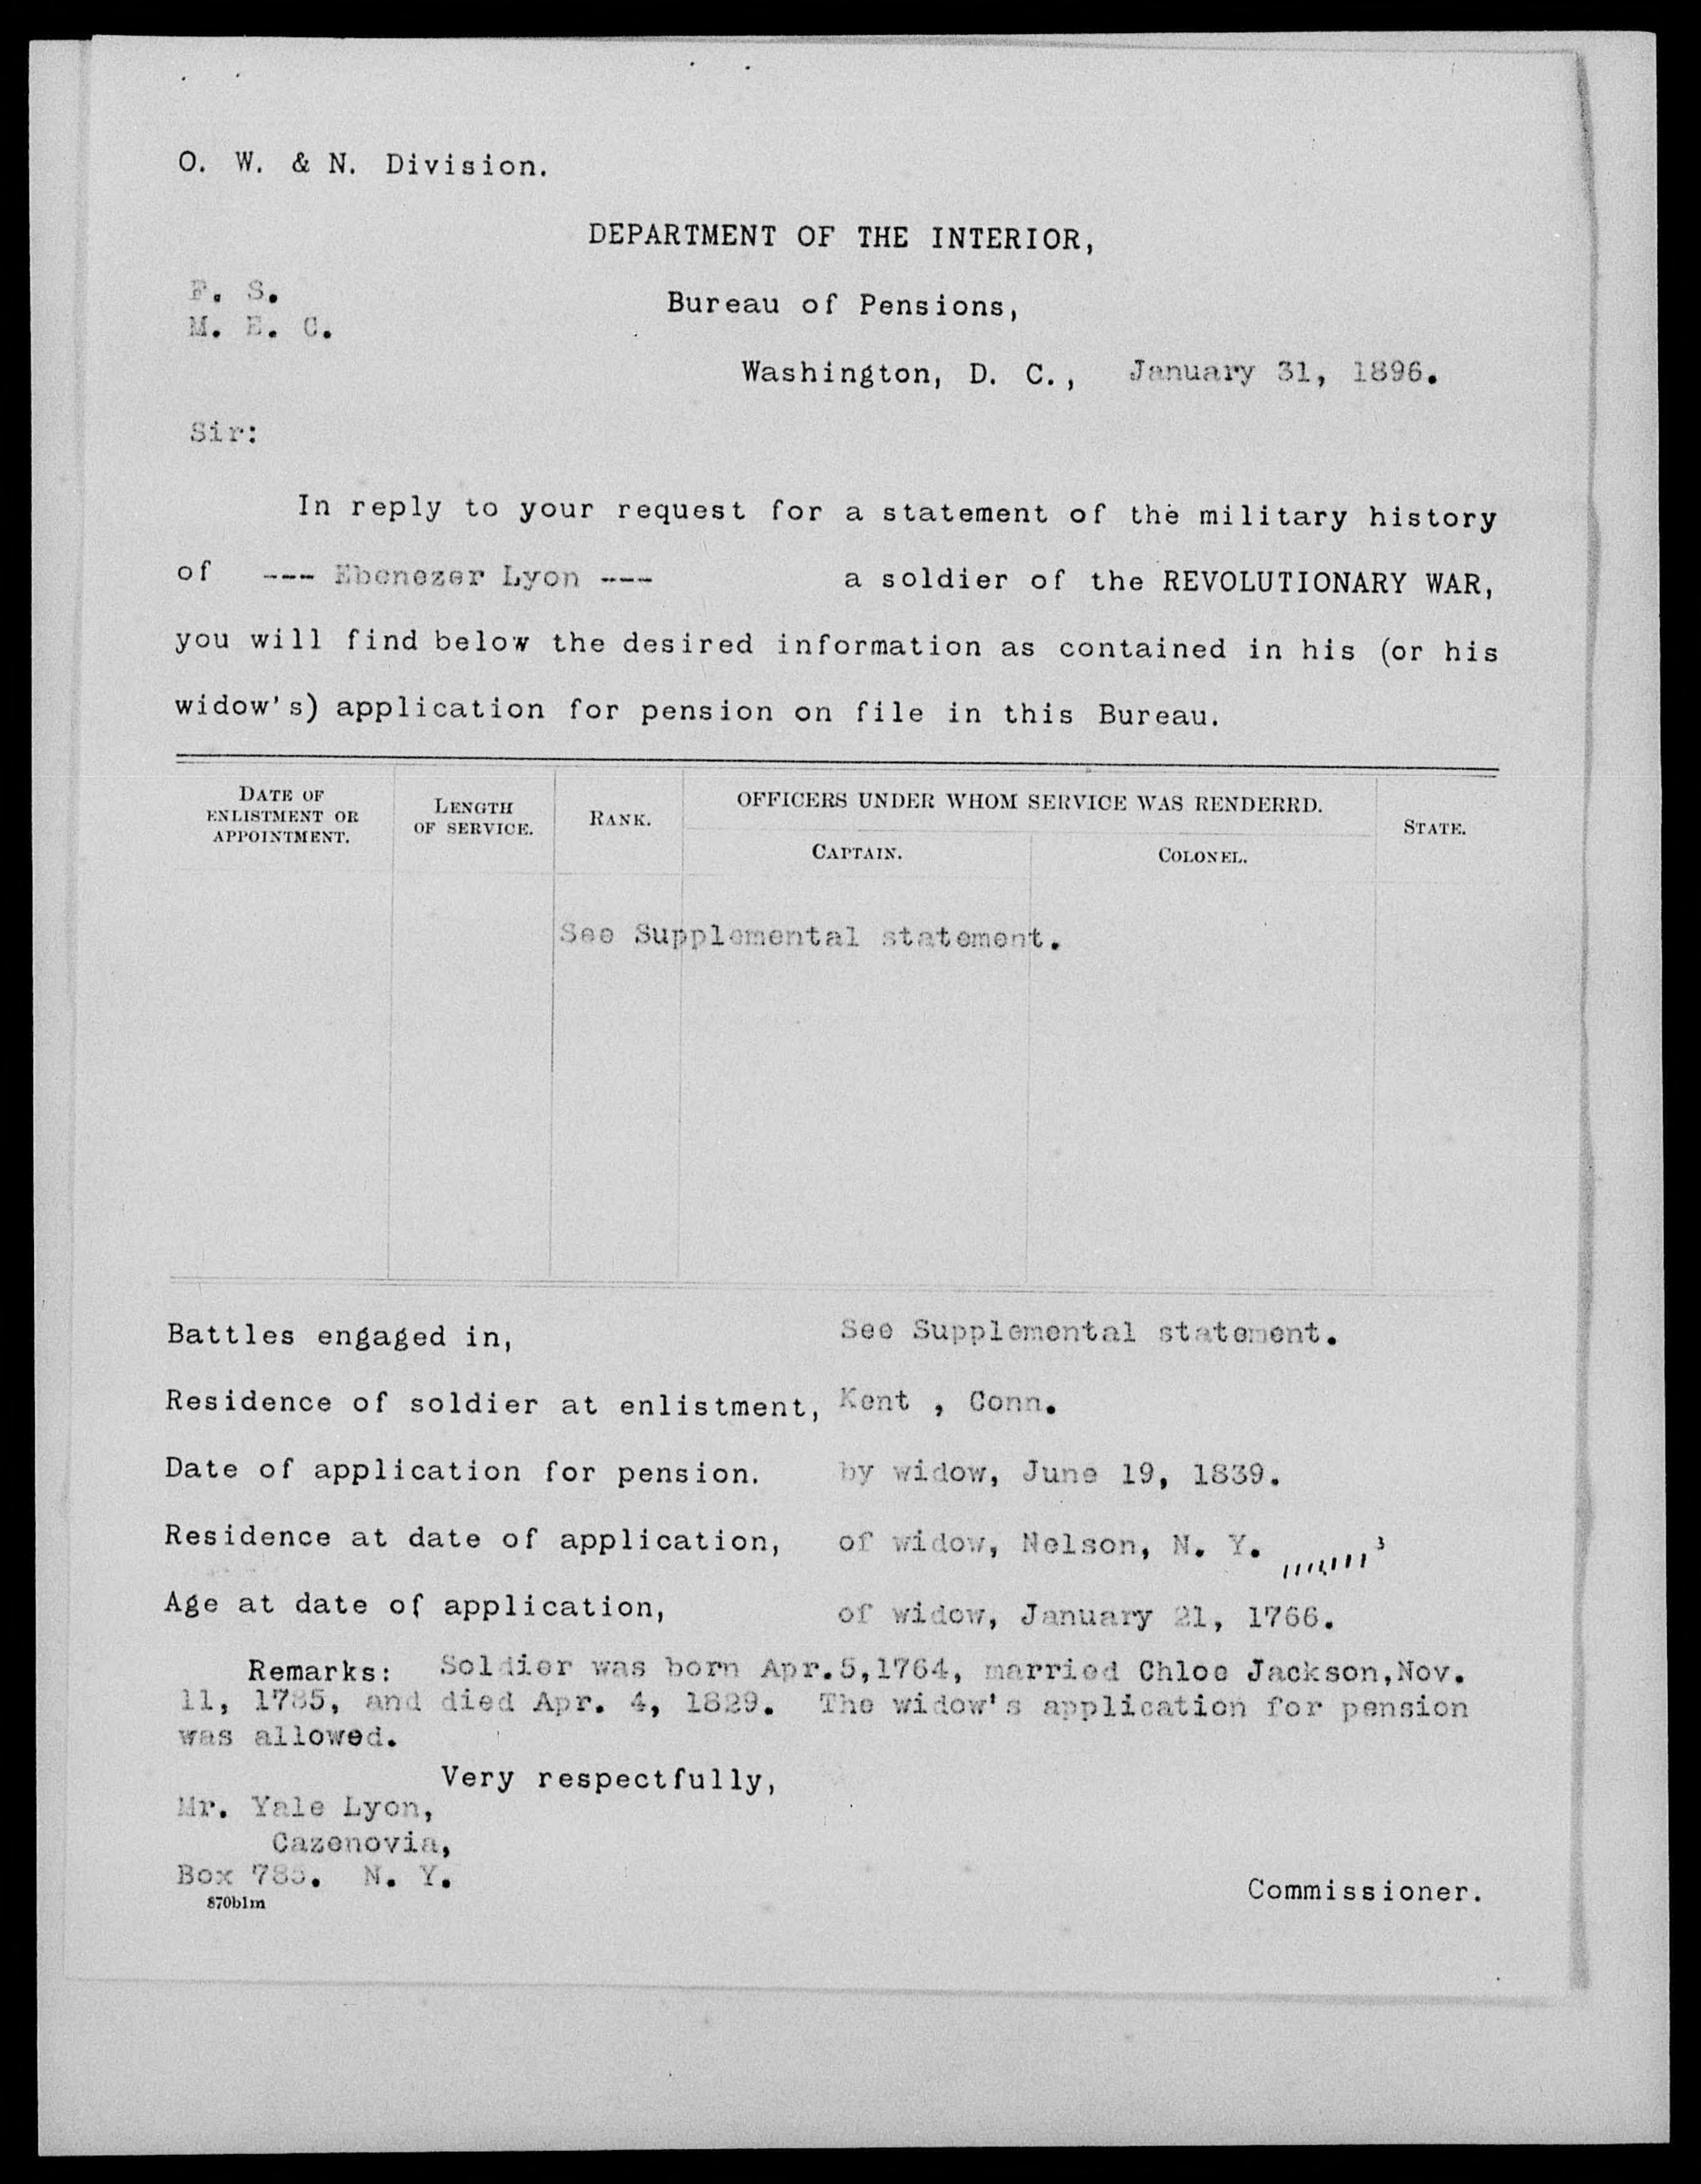O. W. & N. Division. 

DEPARTMENT OF THE INTERIOR, 
Bureau of Pensions, 
Washington, D. C.,  January 31, 1896. 
Sir:
In reply to your request for a statement of the military history of ---Ebenezer Lyon --- a soldier of the REVOLUTIONARY WAR, you will find below the desired information as contained in his (or his widow's) application for pension on file in this Bureau. 

[Table column headers are:]
DATES OF ENLISTMENT OR APPOINTMENT. | LENGTH OF SERVICE. | RANK. | OFFICERS UNDER WHOM SERVICE WAS RENDERED. | CAPTAIN. | COLONEL. | STATE.

See Supplemental statement.

Battles engaged in,  See Supplemental statement.
Residence of soldier at enlistment, Kent , Conn.
Date of application for pension. by widow, June 19, 1839.  
Residence at date of application, of widow, Nelson, N. Y.
Age at date of application, of widow, January 21, 1766.
Remarks: Soldier was born Apr.5,1764, married Chloe Jackson, Nov. 11, 1785, and died Apr. 4, 1829. The widow's application for pension was allowed.
Very respectfully, 
Commissioner. 
Mr. Yale Lyon,
Cazenovia, Box 785. N. Y.
870blm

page: 16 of 40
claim: widow's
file: W. 24,615, for Ebenezer Lyon, Connecticut